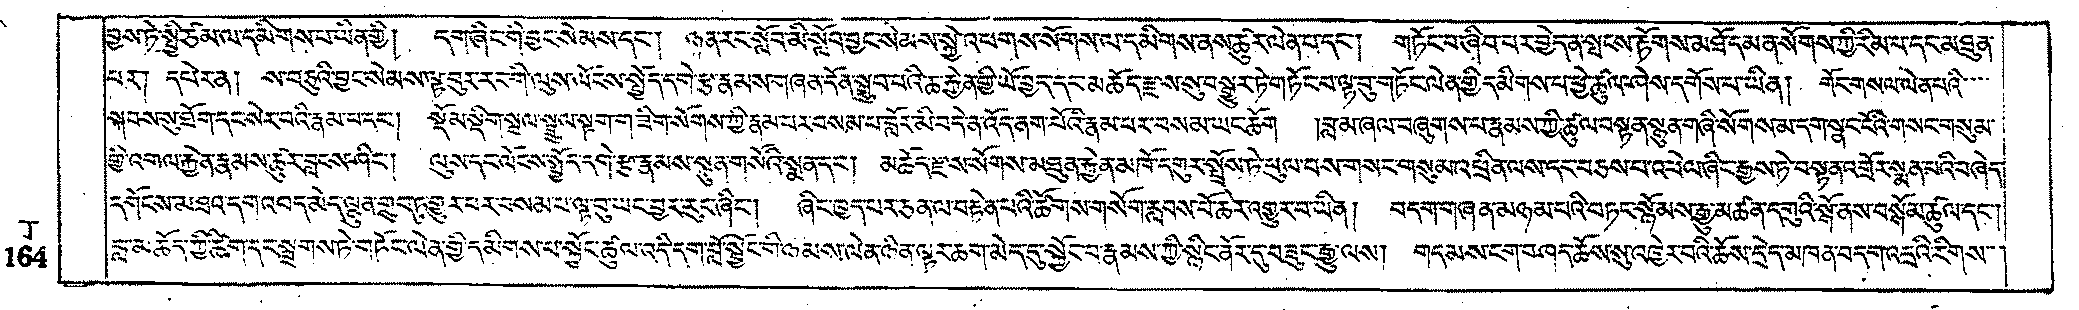བྱས་ཏེ་སྤྱི་ཙམ་ལ་དམིགས་པ་ཡིན་གྱི། དག་ཞིང་གི་བྱང་སེམས་དང་། ཉན་རང་སློབ་མི་སློབ་བྱང་སེམས་སྐྱེ་འཕགས་སོགས་ལ་དམིགས་ནས་ཚུར་ལེན་པ་དང་། གཏོང་བ་ཞིབ་པར་བྱེད་ན་སྤངས་རྟོགས་མཐོ་དམན་སོགས་ཀྱི་རིམ་པ་དང་མཐུན་
པར། དཔེར་ན། ས་བཅུའི་བྱང་སེམས་ལྟ་བུར་རང་གི་ལུས་ལོངས་སྤྱོད་དགེ་རྩ་རྣམས་གཞན་དོན་སྒྲུབ་པའི་ཆ་རྐྱེན་གྱི་ཡོ་བྱད་དང་མཆོད་རྫས་སུ་བསྒྱུར་ཏེ་གཏོང་བ་ལྟ་བུ་གཏོང་ལེན་གྱི་དམིགས་པ་ཕྱེ་ཚུལ་ཤེས་དགོས་པ་ཡིན། གོང་གསལ་ལེན་པའི་་་
སྐབས་སུ་ཐོག་དང་སེར་བའི་རྣམ་པ་དང་། སྡོམ་སྡིག་སྦལ་སྦྲུལ་སྟག་གཟིག་སོགས་ཀྱི་རྣམ་པར་བསམ་པ་བློར་མི་བདེ་ན་འོད་ནག་པོའི་རྣམ་པར་བསམ་ཡང་ཆོག །བླ་མ་ཞལ་བཞུགས་པ་རྣམས་ཀྱི་ཚུལ་བསྟན་སྙུན་གཞི་སོགས་མ་དག་སྣང་ངོའི་གསང་གསུམ་
གྱི་འགལ་རྐྱེན་རྣམས་ཚུར་བླངས་ཤིང་། ལུས་དང་ལོངས་སྤྱོད་དགེ་རྩ་རྣམས་སྙུན་གསོའི་སྨན་དང་། མཆོད་རྫས་སོགས་མཐུན་རྐྱེན་མཁོ་དགུར་སྤྲོས་ཏེ་ཕུལ་བས་གསང་གསུམ་འཕྲིན་ལས་དང་བཅས་པ་འཕེལ་ཞིང་རྒྱས་ཏེ་བསྟན་འགྲོར་སྨན་པའི་བཞེད་
དགོངས་མཐའ་དག་འབད་མེད་ལྷུན་གྲུབ་ཏུ་གྱུར་པར་བསམ་པ་ལྟ་བུ་ཡང་བྱར་རུང་ཞིང་། ཞིང་ཁྱད་པར་ཅན་ལ་བརྟེན་པའི་ཚོགས་གསོག་རླབས་པོ་ཆེར་འགྱུར་བ་ཡིན། བདག་གཞན་མཉམ་པའི་བཏང་སྙོམས་རྒྱུ་མཚན་དགུའི་སྒོ་ནས་བསྒོམ་ཚུལ་དང་།
བླ་མཆོད་ཀྱི་ཚིག་དང་སྦྲགས་ཏེ་གཏོང་ལེན་གྱི་དམིགས་པ་སྐྱོང་ཚུལ་འདི་དག་བློ་སྦྱོང་གི་ཉམས་ལེན་ཉིན་ལྟར་ཆག་མེད་དུ་སྐྱོང་བ་རྣམས་ཀྱི་སྙིང་ནོར་དུ་བཟུང་རྒྱུ་ལས། གདམས་ངག་བཤད་ཆོས་སུ་འཁྱེར་བའི་ཆོས་དྲེད་མཁན་བདག་འདྲའི་རིགས་་་